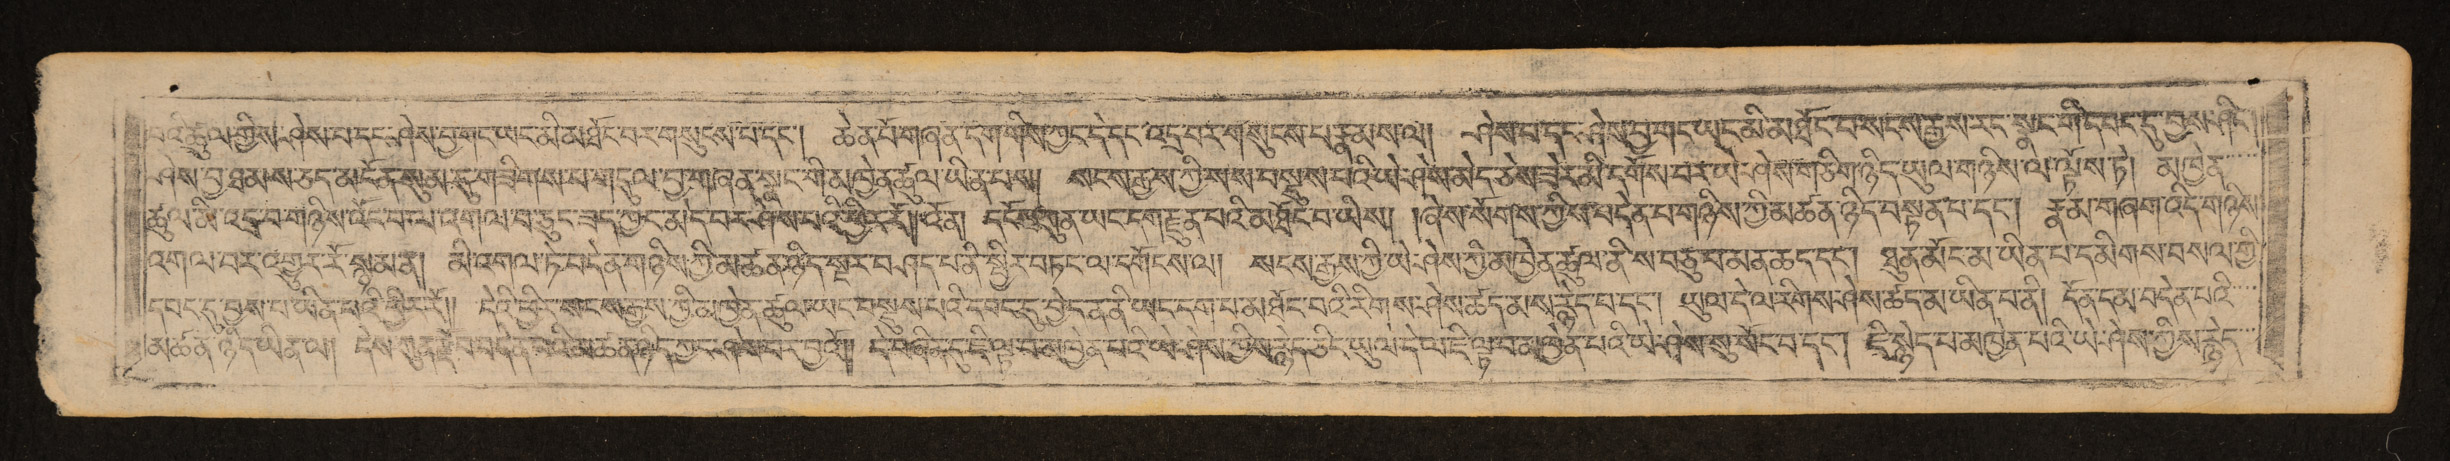བའི་ཚུལ་གྱིས་ཤེས་པ་དང་ཤེས་བྱ་གང་ཡང་མི་མཐོང་བར་གསུངས་པ་དང་། ཆེན་པོ་གཞན་དག་གིས་ཀྱང་དེ་དང་འདྲ་བར་གསུངས་པ་རྣམས་ལ། ཤེས་པ་དང་ཤེས་བྱ་གང་ཡང་མི་མཐོང་བ་སངས་རྒྱས་རང་སྣང་གི་དབང་དུ་བྱས་ཤིང་།
ཤེས་བྱ་ཐམས་ཅད་མངོན་སུམ་དུ་གཟིགས་པ་གདུལ་བྱ་གཞན་སྣང་གི་མཁྱེན་ཚུལ་ཡིན་པས། སངས་རྒྱས་ཀྱི་སས་བསྡུས་པའི་ཡེ་ཤེས་མེད་ཅེས་ཟེར་མི་དགོས་པར་ཡེ་ཤེས་གཅིག་ཉིད་ཡུལ་གཉིས་ལ་ལྟོས་ཏེ། མཁྱེན་
ཚུལ་མི་འདྲ་བ་གཉིས་འོང་བ་ལ་འགལ་བ་ཅུང་ཟད་ཀྱང་མེད་པར་ཤེས་པའི་ཕྱིར་རོ།། འོ་ན། དངོས་ཀུན་ཡང་དག་རྫུན་པ་མཐོང་བ་ཡིས། །ཞེས་སོགས་ཀྱིས་བདེན་པ་གཉིས་ཀྱི་མཚན་ཉིད་བསྟན་པ་དང་། རྣམ་གཞག་འདི་གཉིས་
འགལ་བར་འགྱུར་རོ་སྙམ་ན། མི་འགལ་ཏེ་བདེན་གཉིས་ཀྱི་མཚན་ཉིད་སྔར་བཤད་པ་ནི་སྤྱིར་བཏང་ལ་དགོངས་ལ། སངས་རྒྱས་ཀྱི་ཡེ་ཤེས་ཀྱི་མཁྱེན་ཚུལ་ནི་ས་བཅུ་པ་མན་ཆད་དང་། ཐུན་མོང་མ་ཡིན་པ་དམིགས་བསལ་གྱི་
དབང་དུ་བྱས་པ་ཡིན་པའི་ཕྱིར་རོ།། དེའི་ཕྱིར་སངས་རྒྱས་ཀྱི་མཁྱེན་ཚུལ་ཡང་བསྡུས་པའི་དབང་དུ་བྱེད་ན་ནི་ཡང་དག་པ་མཐོང་བའི་རིགས་ཤེས་ཚད་མས་རྙེད་པ་དང་། ཡུལ་དེ་ལ་རིགས་ཤེས་ཚད་མ་ཡིན་པ་ནི། དོན་དམ་བདེན་པའི་
མཚན་ཉིད་ཡིན་ལ། དེས་ཀུན་རྫོབ་བདེན་པའི་མཚན་ཉིད་ཀྱང་ཤེས་པར་བྱའོ།། དེ་བཞིན་དུ་ཇི་ལྟ་བ་མཁྱེན་པའི་ཡེ་ཤེས་ཀྱིས་རྙེད་ཅིང་ཡུལ་དེ་ལ་ཇི་ལྟ་བ་མཁྱེན་པའི་ཡེ་ཤེས་སུ་སོང་བ་དང་། ཇི་སྙེད་པ་མཁྱེན་པའི་ཡེ་ཤེས་ཀྱིས་རྙེད་